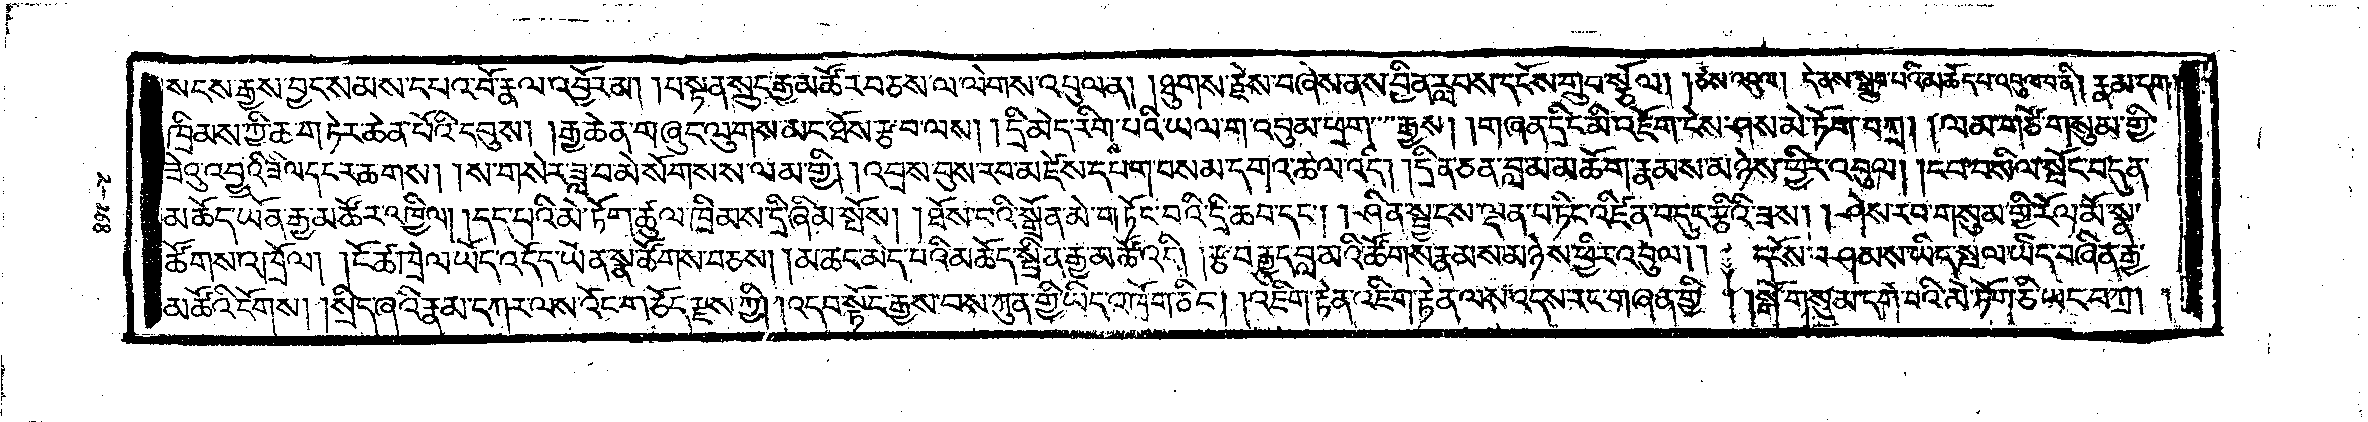སངས་རྒྱས་བྱང་སེམས་དཔའ་བོ་རྣལ་འབྱོར་མ། །བསྟན་སྲུང་རྒྱ་མཚོར་བཅས་ལ་ལེགས་འབུལ་ན། །ཐུགས་རྗེས་ཞེས་ནས་བྱིན་རླབས་དངོས་གྲུབ་སྩོལ། །ཅེས་འབུལ། དེ་ནས་སྒྲུབ་པའི་མཆོད་པ་འབུལ་བ་ནི། རྣམ་དག་
ཁྲིམས་ཀྱི་ཆ་གཏེར་ཆེན་པོའི་དབུས། །རྒྱ་ཆེན་གཞུང་ལུགས་མང་ཐོས་རྩ་བ་ལས། །དྲི་མེད་རིགས་པའི་ཡལ་ག་འབུམ་ཕྲག་རྒྱས། །གཞན་དྲིང་མི་འཇོག་ངེས་ཤས་མེ་ཏོག་བཀྲ། །ལམ་གཙོ་གསུམ་གྱི་
ཟེའུ་འབྱུའི་ཟིལ་དངར་ཆགས། །ས་གསེར་ཟླ་བ་མེ་སོགས་ས་ལམ་གྱི། །འབྲས་བུས་རབ་མཛེས་དཔག་བསམ་དགའ་ཆེལ་འདི། །དྲིན་ཅན་བླ་མ་མཆོག་རྣམས་མཉེས་ཕྱིར་འབུལ། །ངབ་བསིལ་སྦོང་བདུན་
མཆོད་ཡོན་རྒྱ་མཚོར་འཁྱིལ། །དད་པའི་མེ་ཏོག་ཚུལ་ཁྲིམས་དྲི་ཞིམ་སྤོས། །ཐོས་པའི་སྒྲོན་མེ་གཏོང་བའི་དྲི་ཆབ་དང་། །ཤིན་སྦྱངས་ལྡན་བཏིང་འཛིན་བདུད་རྩིའི་ཟས། །ཤེས་རབ་གསུམ་གྱི་རོལ་མོ་སྣ་
ཚོགས་འཁྲོལ། །ངོ་ཚ་ཁྲེལ་ཡོད་འདོད་ཡོན་སྣ་ཚོགས་བཅས། །མཆང་མེད་པའི་མཆོད་སྦྲིན་རྒྱ་མཚོ་འདི། །རྩ་བརྒྱུད་བླ་མའི་ཚོགས་རྣམས་མཉེས་ཕྱིར་འབུལ། ། ༈ དངོས་བཤམས་ཡིད་སྤལ་ཡིད་བཞིན་རྒྱ་
མཚོའི་དོགས། །སྲིད་ཞིའི་རྣམ་དཀར་ལས་འོང་གཅོད་རྫས་ཀྱི། །འདབ་སྟོང་རྒྱས་བས་ཀུན་གྱི་ཡིད་འཁྲོག་ཅིང་། །འཇིག་རྟེན་འཇིག་རྟེན་ལས་དས་རང་གཞན་གྱི། །སྒོ་གསུམ་དགེ་བའི་མེ་ཏོག་ཅི་ཡང་བཀྲ། །